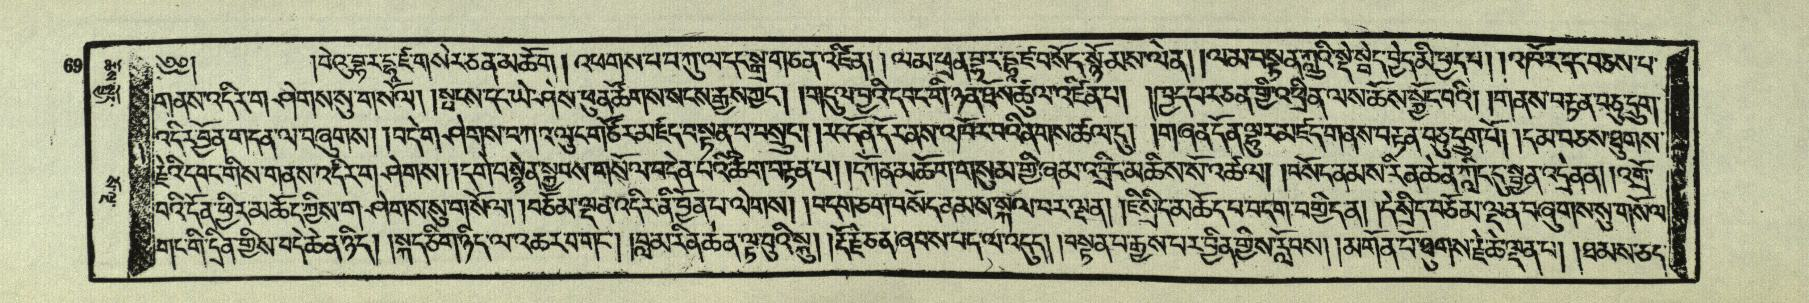༄༅། །བེའུ་བྷ་ར་དྷཱ་ཛ་གསེར་ཅན་མཆོག །འཕགས་པ་བ་ཀུ་ལ་དང་སྒྲ་གཅན་འཛིན། །ལམ་ཕྲན་བྷ་ར་དྷཱ་ཛ་བསོད་སྙོམས་ལེན། །ལམ་བསྟན་ཀླུའི་སྡེ་སྦེད་བྱེད་མི་ཕྱད་པ། །འཁོར་དང་བཅས་པ་
གནས་འདིར་གཤེགས་སུ་གསོལ། །སྤངས་དང་ཡེ་ཤེས་ཕུན་ཚོགས་སངས་རྒྱས་ཀྱང་། །གདུལ་བྱའི་དབང་གི་ཉན་ཐོས་ཚུལ་འཛིན་པ། །ཁྱད་པར་ཅན་གྱི་འཕྲིན་ལས་ཆོས་སྐྱོང་བའི། །གནས་བརྟན་བཅུ་དྲུག་
འདིར་བྱོན་གདན་ལ་བཞུགས། །བདེ་གཤེགས་བཀའ་ལུང་གཙོར་མཛད་བསྟན་པ་བསྲུང་། །རང་དོན་དོར་ནས་འཁོར་བའི་ནགས་ཚལ་དུ། །གཞན་དོན་ལྷུར་མཛད་གནས་བརྟན་བཅུ་དྲུག་པོ། །དམ་བཅས་ཐུགས་
རྗེའི་དབང་གིས་གནས་འདིར་གཤེགས། །དགེ་བསྙེན་སྐྱབས་གསོལ་བདེན་པའི་ཚིག་བརྟན་པ། །དཀོན་མཆོག་གསུམ་གྱི་ཞམ་འབྲིང་མཆིས་སོ་འཚལ། །བསོད་ནམས་རིན་ཆེན་ཀླིང་དུ་སྦྱན་འདྲེན་ན། །འགྲོ་
བའི་དོན་ཕྱིར་མཆོད་ཀྱིས་གཤེགས་སུ་གསོལ། །བཅོམ་ལྡན་འདིར་ནི་བྱོན་པ་ལེགས། །བདག་ཅག་བསོད་ནམས་སྐལ་བར་ལྡན། །ཇི་སྲིད་མཆོད་པ་བདག་བགྱིད་ན། །དེ་སྲིད་བཅོམ་ལྡན་བཞུགས་སུ་གསོལ་
གང་གི་དྲིན་གྱིས་བདེ་ཆེན་ཉིད། །སྐད་ཅིག་ཉིད་ལ་འཆར་བ་གང་། བླ་མ་རིན་ཆེན་ལྟ་བུའི་སྐུ། །རྡོ་རྗེ་ཅན་ཞབས་པད་ལ་འདུད། །བསྟན་པ་རྒྱས་པར་བྱིན་གྱིས་རློབས། །མགོན་པོ་ཐུགས་རྗེ་ཆེ་ལྡན་པ། །ཐམས་ཅད་